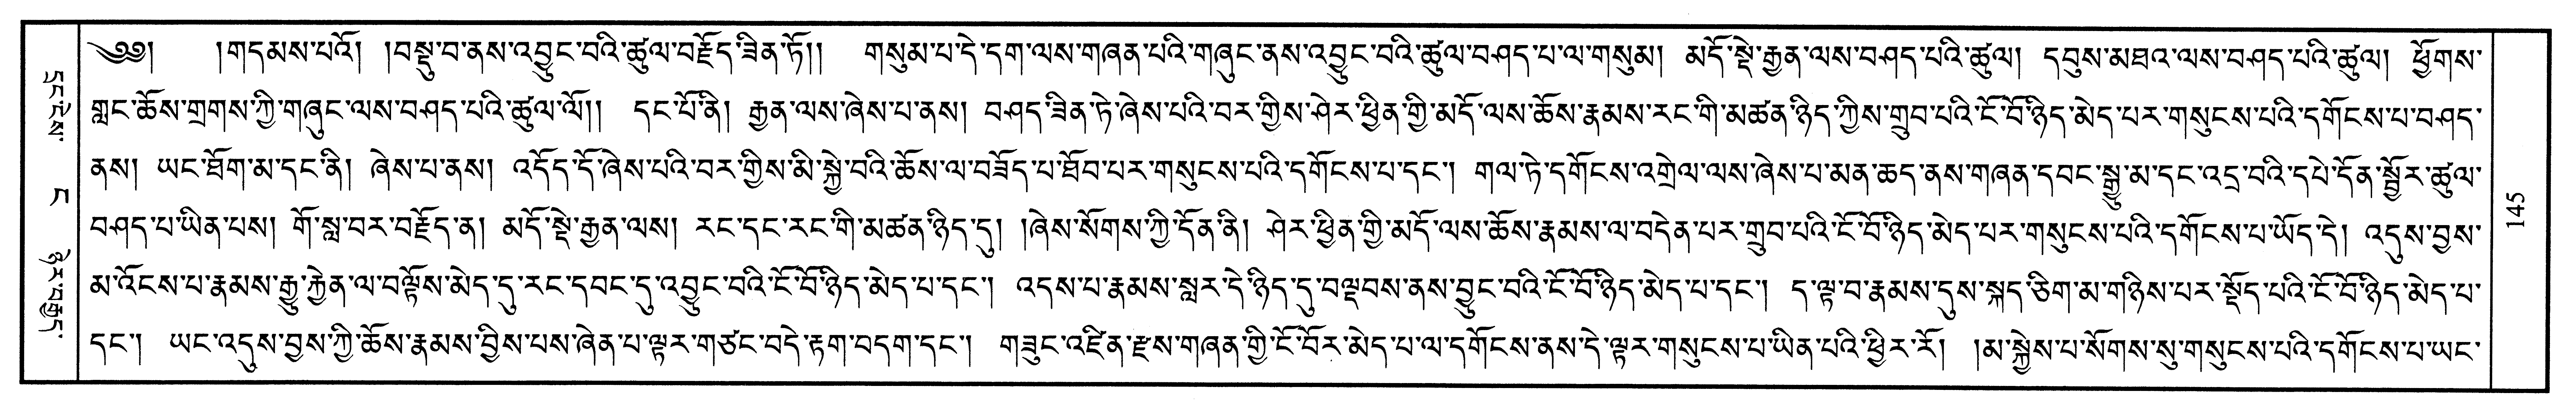༄༅། །གདམས་པའོ། །བསྡུ་བ་ནས་འབྱུང་བའི་ཚུལ་བརྗོད་ཟིན་ཏོ།། གསུམ་པ་དེ་དག་ལས་གཞན་པའི་གཞུང་ནས་འབྱུང་བའི་ཚུལ་བཤད་པ་ལ་གསུམ། མདོ་སྡེ་རྒྱན་ལས་བཤད་པའི་ཚུལ། དབུས་མཐའ་ལས་བཤད་པའི་ཚུལ། ཕྱོགས་
གླང་ཆོས་གྲགས་ཀྱི་གཞུང་ལས་བཤད་པའི་ཚུལ་ལོ།། དང་པོ་ནི། རྒྱན་ལས་ཞེས་པ་ནས། བཤད་ཟིན་ཏེ་ཞེས་པའི་བར་གྱིས་ཤེར་ཕྱིན་གྱི་མདོ་ལས་ཆོས་རྣམས་རང་གི་མཚན་ཉིད་ཀྱིས་གྲུབ་པའི་ངོ་བོ་ཉིད་མེད་པར་གསུངས་པའི་དགོངས་པ་བཤད་
ནས། ཡང་ཐོག་མ་དང་ནི། ཞེས་པ་ནས། འདོད་དོ་ཞེས་པའི་བར་གྱིས་མི་སྐྱེ་བའི་ཆོས་ལ་བཟོད་པ་ཐོབ་པར་གསུངས་པའི་དགོངས་པ་དང་། གལ་ཏེ་དགོངས་འགྲེལ་ལས་ཞེས་པ་མན་ཆད་ནས་གཞན་དབང་སྒྱུ་མ་དང་འདྲ་བའི་དཔེ་དོན་སྦྱོར་ཚུལ་
བཤད་པ་ཡིན་པས། གོ་སླ་བར་བརྗོད་ན། མདོ་སྡེ་རྒྱན་ལས། རང་དང་རང་གི་མཚན་ཉིད་དུ། །ཞེས་སོགས་ཀྱི་དོན་ནི། ཤེར་ཕྱིན་གྱི་མདོ་ལས་ཆོས་རྣམས་ལ་བདེན་པར་གྲུབ་པའི་ངོ་བོ་ཉིད་མེད་པར་གསུངས་པའི་དགོངས་པ་ཡོད་དེ། འདུས་བྱས་
མ་འོངས་པ་རྣམས་རྒྱུ་རྐྱེན་ལ་བལྟོས་མེད་དུ་རང་དབང་དུ་འབྱུང་བའི་ངོ་བོ་ཉིད་མེད་པ་དང་། འདས་པ་རྣམས་སླར་དེ་ཉིད་དུ་བལྡབས་ནས་བྱུང་བའི་ངོ་བོ་ཉིད་མེད་པ་དང་། ད་ལྟ་བ་རྣམས་དུས་སྐད་ཅིག་མ་གཉིས་པར་སྡོད་པའི་ངོ་བོ་ཉིད་མེད་པ་
དང་། ཡང་འདུས་བྱས་ཀྱི་ཆོས་རྣམས་བྱིས་པས་ཞེན་པ་ལྟར་གཙང་བདེ་རྟག་བདག་དང་། གཟུང་འཛིན་རྫས་གཞན་གྱི་ངོ་བོར་མེད་པ་ལ་དགོངས་ནས་དེ་ལྟར་གསུངས་པ་ཡིན་པའི་ཕྱིར་རོ། །མ་སྐྱེས་པ་སོགས་སུ་གསུངས་པའི་དགོངས་པ་ཡང་